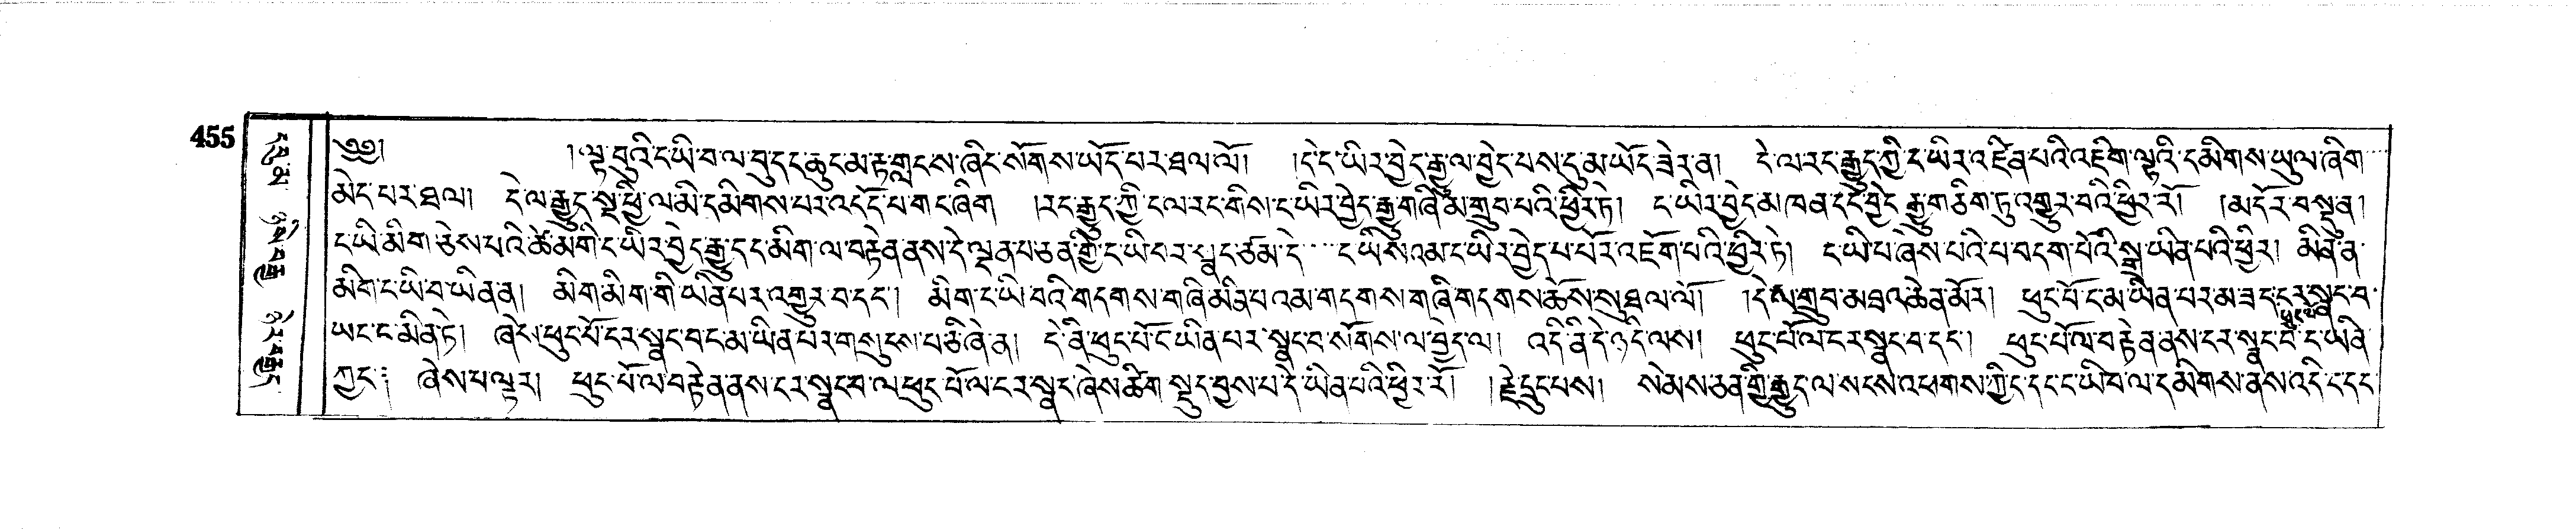༄༅། །ལྟ་བུའི་ང་ཡི་བ་ལ་བུ་དང་ཆུང་མ་རྟ་གླང་ས་ཞིང་སོགས་ཡོད་པར་ཐལ་ལོ། །དེ་ང་ཡིར་བྱེད་རྒྱ་ལ་བྱེད་པས་དུ་མ་ཡོད་ཟེར་ན། དེ་ལ་རང་རྒྱུད་ཀྱི་ང་ཡིར་འཛིན་པའི་འཇིག་ལྟའི་དམིགས་ཡུལ་ཞིག་
མེད་པར་ཐལ། དེ་ལ་རྒྱུད་སྔ་ཕྱི་ལ་མི་དམིགས་པར་འདོད་པ་གང་ཞིག །རང་རྒྱུད་ཀྱི་ང་ལ་རང་གིས་ང་ཡིར་བྱེད་རྒྱུ་གཞི་མ་གྲུབ་པའི་ཕྱིར་ཏེ། ང་ཡིར་བྱེད་མཁན་དང་བྱེད་རྒྱུ་གཅིག་ཏུ་འགྱུར་བའི་ཕྱིར་རོ། །མདོར་བསྡུ་ན།
ང་ཡི་མིག་ཅེས་པའི་ཚེ་མིག་ང་ཡིར་བྱེད་རྒྱུ་དང་མིག་ལ་བརྟེན་ནས་དེ་ལྡན་པ་ཅན་གྱི་ང་ཡི་བར་སྣང་ཙམ་དེ་ང་ཡི་སའམ་ང་ཡིར་བྱེད་པ་པོར་འཇོག་པའི་ཕྱིར་ཏེ། ང་ཡི་པ་ཞེས་པའི་པ་བདག་པོའི་སྒྲ་ཡིན་པའི་ཕྱིར། མིན་ན་
མིག་ང་ཡི་བ་ཡིན་ན། མིག་མིག་གི་ཡིན་པར་འགྱུར་བ་དང་། མིག་ང་ཡི་བའི་གདགས་གཞི་མིན་པའམ་གདགས་གཞི་གདགས་ཆོས་སུ་ཐལ་ལོ། །དེ་ལ་གྲུབ་མཐའ་ཆེན་མོར། ཕུང་པོ་ང་མ་ཡིན་པར་མ་ཟད་ཕུང་པོ་ངར་སྣང་བ་
ཡང་ང་མིན་ཏེ། ཞེས་ཕུང་པོ་ངར་སྣང་བ་ང་མ་ཡིན་པར་གསུངས་པ་ཅི་ཞེ་ན། དེ་ནི་ཕུང་པོ་ང་ཡིན་པར་སྣང་བ་སོགས་ལ་བྱེད་ལ། འདི་ནི་དེ་ཉིད་ལས། ཕུང་པོ་ལ་ངར་སྣང་བ་དང་། ཕུང་པོ་ལ་བརྟེན་ནས་ངར་སྣང་བ་ང་ཡིན་
ཀྱང་། ཞེས་པ་ལྟར། ཕུང་པོ་ལ་བརྟེན་ནས་ངར་སྣང་བ་ལ་ཕུང་པོ་ལ་ངར་སྣང་ཞེས་ཚིག་སྡུད་བྱས་པ་དེ་ཡིན་པའི་ཕྱིར་རོ། །རྗེ་དྲུང་པས། སེམས་ཅན་གྱི་རྒྱུད་ལ་སངས་འཕགས་ཀྱི་ང་དང་ང་ཡི་བ་ལ་དམིགས་ནས་འདི་ང་དང་